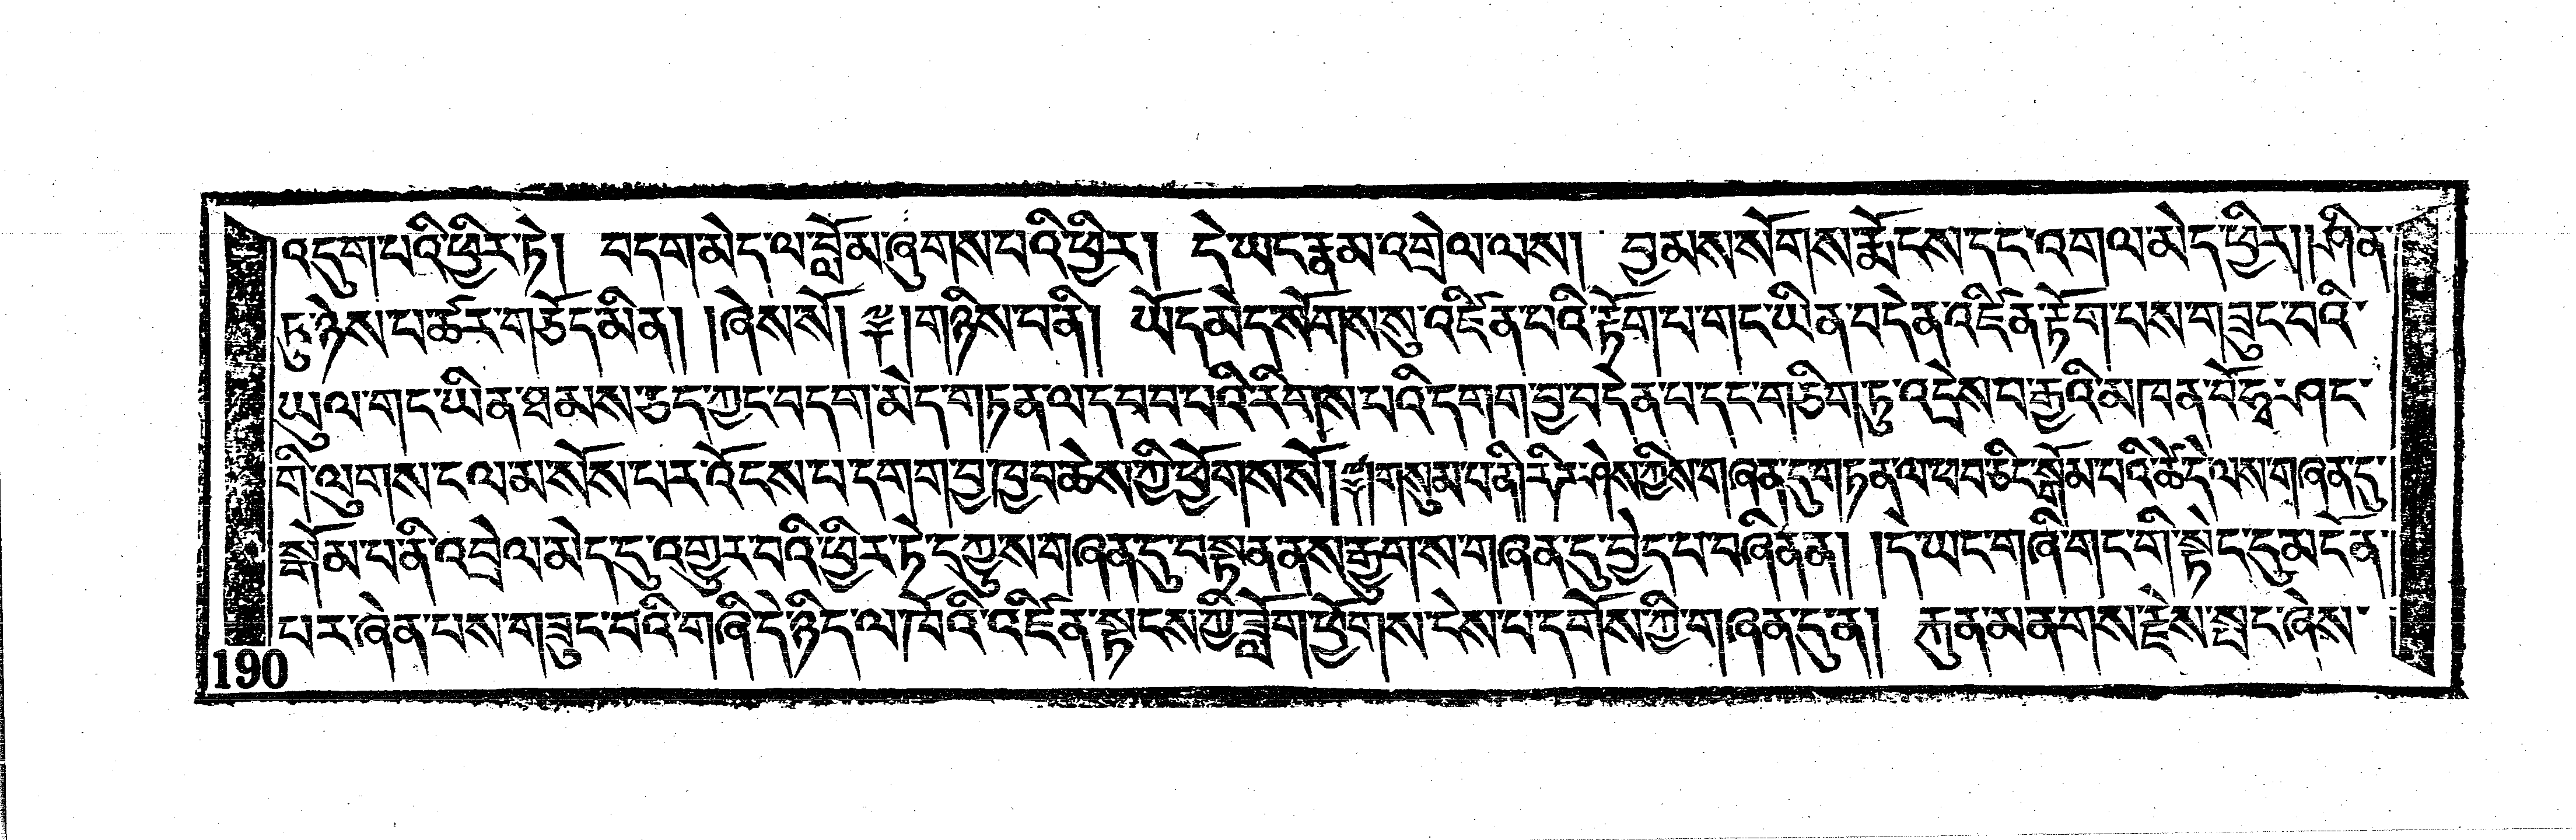འདུག་པའི་ཕྱིར་ཏེ། བདག་མེད་ལ་བློ་མ་ཞུགས་པའི་ཕྱིར། དེ་ཡང་རྣམ་འགྲེལ་ལས། བྱམས་སོགས་རྨོངས་དང་འགལ་མེད་ཕྱིར། །ཤིན་
ཏུ་ཉེས་པ་ཚར་གཅོད་མིན། །ཞེས་སོ། ༈ །གཉིས་པ་ནི། ཡོད་མེད་སོགས་སུ་འཛིན་པའི་རྟོག་པ་གང་ཡིན་བདེན་འཛིན་རྟོག་པས་གཟུང་བའི་
ཡུལ་གང་ཡིན་ཐམས་ཅད་ཀྱང་བདག་མེད་གཏན་ལ་དབབ་པའི་རིགས་པའི་དགག་བྱ་བདེན་པ་དང་གཅིག་ཏུ་འདྲེས་པ་རྒྱའི་མཁན་པོ་ཧྭ་ཤང་
གི་ལུགས་ངལ་མ་སོས་པར་འོངས་པ་དགག་བྱ་ཁྱབ་ཆེས་ཀྱི་ཕྱོགས་སོ། ༈ །གསུམ་པ་ནི། རིགས་ཤེས་ཀྱིས་གཞན་དུ་གཏན་ལ་ཕབ་ཅིང་སྒོམ་པའི་ཚེ་དེ་ལས་གཞན་དུ་
སྒོམ་པ་ནི་འབྲེལ་མེད་དུ་འགྱུར་བའི་ཕྱིར་ཏེ་དཀྱུ་ས་གཞན་དུ་བསྟན་ནས་རྒྱུག་ས་གཞན་དུ་བྱེད་པ་བཞིན་ན། །དེ་ཡང་གཞི་གང་གི་སྟེང་དུ་མངོན་
པར་ཞེན་པས་གཟུང་བའི་གཞི་དེ་ཉིད་ལ་ཁོའི་འཛིན་སྟངས་ཀྱི་ཟློག་ཕྱོགས་ངེས་པ་དགོས་ཀྱི་གཞན་དུ་ན། རྐུན་མ་ནགས་རྗེས་སྤང་ཞེས་